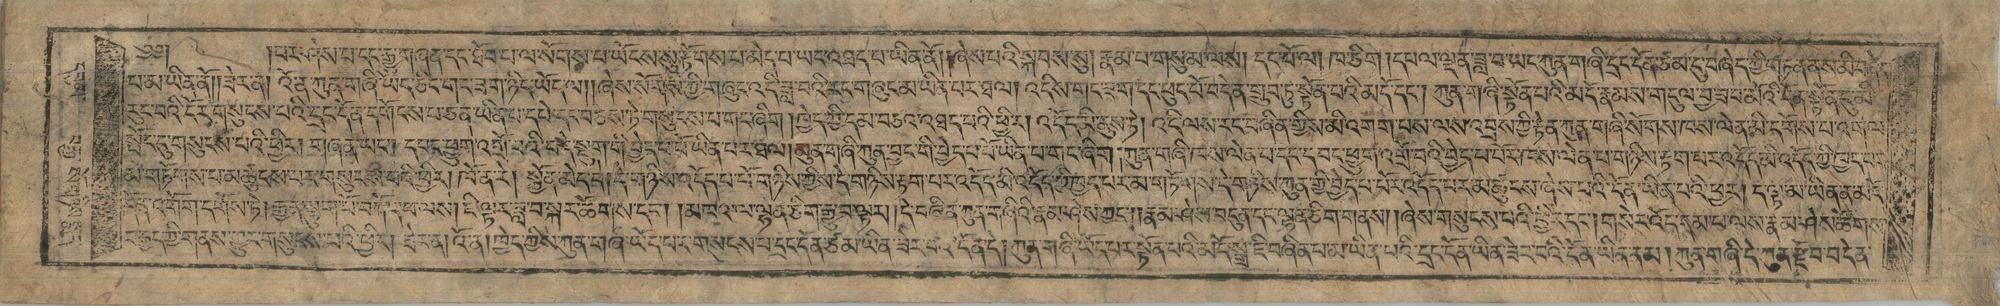༄༅། །པར་ཤེས་པ་དང་རྒྱུ་གཞན་དང་ཐོབ་པ་ལ་སོགས་པ་ཡོངས་སུ་རྟོགས་པ་མེད་པ་ཡང་འཐད་པ་ཡིན་ནོ། །ཞེས་པའི་སྐབས་སུ། རྣམ་པ་གསུམ་ལས། དང་པོ་ལ། ཁ་ཅིག །དཔལ་ལྡན་ཟླ་བ་ཡང་ཀུན་གཞི་དྲང་དོན་ཙམ་དུ་བཞེད་ཀྱི་གཏན་ནས་མི་བཞེད་
པ་མ་ཡིན་ནོ། །ཟེར་ན། འོ་ན་ཀུན་གཞི་ཡོད་ཅིང་གང་ཟག་ཉིད་ཡོད་ལ། །ཞེས་སོགས་ཀྱི་གཞུང་འདི་ཟླ་བའི་རང་གཞུང་མ་ཡིན་པར་ཐལ། འདིས་གང་ཟག་དང་ཕུང་པོ་བདེན་གྲུབ་ཏུ་སྟོན་པའི་མདོ་དང་། ཀུན་གཞི་སྟོན་པའི་མདོ་རྣམས་གདུལ་བྱ་ཟབ་མོའི་དོན་སྟོན་དུ་མི་
རུང་བའི་ངོར་གསུངས་པའི་དྲང་དོན་དགོངས་པ་ཅན་ཡིན་པ་དཔེ་དང་བཅས་ཏེ་གསུངས་པ་གང་ཞིག །ཁྱེད་ཀྱི་དམ་བཅའ་འཐད་པའི་ཕྱིར། འདོད་མི་ནུས་ཏེ། འདི་ལས་རང་བཞིན་གྱིས་མི་འགག་པས་ལས་འབྲས་ཀྱི་རྟེན་ཀུན་གཞི་སོགས་ཁས་ལེན་མི་དགོས་པ་འགལ་
སྤོང་དུ་གསུངས་པའི་ཕྱིར། གཞན་ཡང་། དབང་ཕྱུག་འགྲོ་བའི་བདེ་སྡུག་གི་བྱེད་པ་པོ་ཡིན་པར་ཐལ། ཀུན་གཞི་ཀུན་བྱང་གི་བྱེད་པ་པོ་ཡིན་པ་གང་ཞིག །ཀུན་གཞི་ཁས་ལེན་པ་དང་དབང་ཕྱུག་འགྲོ་བའི་བྱེད་པ་པོར་ཁས་ལེན་པ་གཉིས་རྟག་པར་འདོད་མི་འདོད་ཀྱི་ཁྱད་པར་
མ་གཏོགས་པ་མཚུངས་པར་གསུངས་པའི་ཕྱིར། ཁོ་ན་རེ། སྐྱོན་མེད་དེ། དེ་གཉིས་འདོད་པ་པོ་གཉིས་ཀྱིས་དེ་གཉིས་རྟག་པར་འདོད་མི་འདོད་ཀྱི་ཁྱད་པར་མ་གཏོགས་དེ་གཉིས་ཀུན་གྱི་བྱེད་པ་པོར་འདོད་པར་མཚུངས་ཞེས་པའི་དོན་ཡིན་པའི་ཕྱིར། དེ་ལྟ་མ་ཡིན་ན་མདོ་
དོན་འགོག་དགོས་ཏེ། རྒྱན་སྟུག་པོ་བཀོད་པ་ལས། ཇི་ལྟར་ཟླ་བ་སྐར་ཚོགས་དང་། །མཁའ་ལ་ལྷན་ཅིག་རྒྱུ་བ་ལྟར། །དེ་བཞིན་ཀུན་གཞིའི་རྣམ་ཤེས་ཀྱང་། །རྣམ་ཤེས་བདུན་དང་ལྷན་ཅིག་གནས། །ཞེས་གསུངས་པའི་ཕྱིར་དང་། གསེར་འོད་དམ་པ་ལས་རྣམ་ཤེས་ཚོགས་
བརྒྱད་ཀྱི་གནས་གྱུར་གསུངས་པའི་ཕྱིར། ཟེར་ན། འོ་ན། ཁྱེད་ཀྱིས་ཀུན་གཞི་ཡོད་པར་གསུངས་པ་དྲང་དོན་ཙམ་ཡིན་ཟེར་བའི་དོན་དེ། ཀུན་གཞི་ཡོད་པར་སྟོན་པའི་མདོ་སྒྲ་ཇི་བཞིན་པ་མ་ཡིན་པའི་དྲང་དོན་ཡིན་ཟེར་བའི་དོན་ཡིན་ནམ། ཀུན་གཞི་དེ་ཀུན་རྫོབ་བདེན་